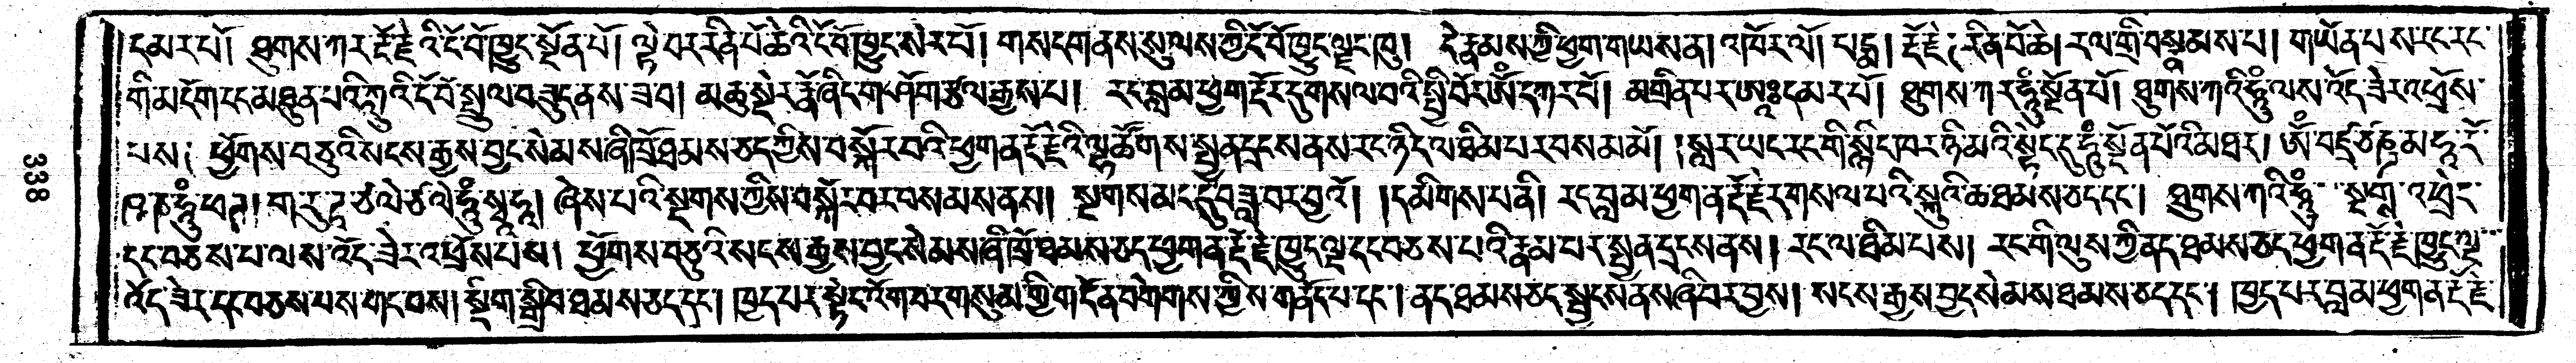དམར་པོ། ཐུགས་ཀར་རྡོ་རྗེའི་ངོ་བོ་ཁྱུང་སྔོན་པོ། ལྟེ་བར་རིན་པོ་ཆེའི་ངོ་བོ་ཁྱུང་སེར་པོ། གསང་གནས་སུ་ལས་ཀྱི་ངོ་བོ་ཁྱུང་ལྗང་ཁུ། དེ་རྣམས་ཀྱི་ཕྱག་གཡས་ན། འཁོར་ལོ། པདམ། རྡོ་རྗེ༑ རིན་པོ་ཆེ། རལ་གྲི་བསྣམས་པ། གཡོན་པས་རང་རང་
གི་མདོག་དང་མཐུན་པའི་ཀླུའི་ངོ་བོ་སྤྲུལ་བཟུང་ནས་ཟ་བ། མཆུ་སྡེར་རྣོ་ཞིང་གཤོག་རྩལ་རྒྱས་པ། རང་བླ་མ་ཕྱག་རྡོར་དུ་གསལ་བའི་སྤྱི་བོར་ཨོཾ་དཀར་པོ། མགྲིན་པར་ཨཱཿ དམར་པོ། ཐུགས་ཀར་ཧཱུཾ་སྔོན་པོ། ཐུགས་ཀའི་ཧཱུཾ་ལས་འོད་ཟེར་འཕྲོས་
པས༑ ཕྱོགས་བཅུའི་སངས་རྒྱས་བྱང་སེམས་ཞི་ཁྲོ་ཐམས་ཅད་ཀྱིས་བསྐོར་བའི་ཕྱག་ན་རྡོ་རྗེའི་ལྷ་ཚོགས་སྤྱན་དྲངས་ནས་རང་ཉིད་ལ་ཐིམ་པར་བསམ་མོ། །སླར་ཡང་རང་གི་སྙིང་ཁར་ཉི་མའི་སྟེང་དུ་ཧཱུཾ་སྔོན་པོའི་མཐར། ཨོཾ་བཛྲ་ཙཎྜ་མ་ཧཱ་རོ་
ཥ་ཎ་ཧཱུཾ་ཕཊ། ག་རུ་ཌཱ་ཙ་ལེ་ཙ་ལེ་ཧཱུཾ་སྭཱ་ཧཱ། ཞེས་པའི་སྔགས་ཀྱིས་བསྐོར་བར་བསམས་ནས། སྔགས་མང་དུ་བཟླ་བར་བྱའོ། །དམིགས་པ་ནི། རང་བླ་མ་ཕྱག་ན་རྡོ་རྗེར་གསལ་པའི་སྐུའི་ཆ་ཐམས་ཅད་དང་། ཐུགས་ཀའི་ཧཱུཾ་སྔགས་འཕྲེང་
དང་བཅས་པ་ལས་འོད་ཟེར་འཕྲོས་པས། ཕྱོགས་བཅུའི་སངས་རྒྱས་བྱང་སེམས་ཞི་ཁྲོ་ཐམས་ཅད་ཕྱག་ན་རྡོ་རྗེ་ཁྱུད་ལྔ་དང་བཅས་པའི་རྣམ་པར་སྤྱན་དྲངས་ནས། རང་ལ་ཐིམ་པས། རང་གི་ལུས་ཀྱི་ནད་ཐམས་ཅད་ཕྱག་ན་རྡོ་རྗེ་ཁྱུང་ལྔ་
འོད་ཟེར་དང་བཅས་པས་གང་བས། སྡིག་སྒྲིབ་ཐམས་ཅད་དང་། ཁྱད་པར་སྟེང་འོག་བར་གསུམ་གྱི་གདོན་བགེགས་ཀྱིས་གནོད་པ་དང་། ནད་ཐམས་ཅད་སྦྱངས་ནས་ཞི་བར་བྱས། སངས་རྒྱས་བྱང་སེམས་ཐམས་ཅད་དང་། ཁྱད་པར་བླ་མ་ཕྱག་ན་རྡོ་རྗེ་